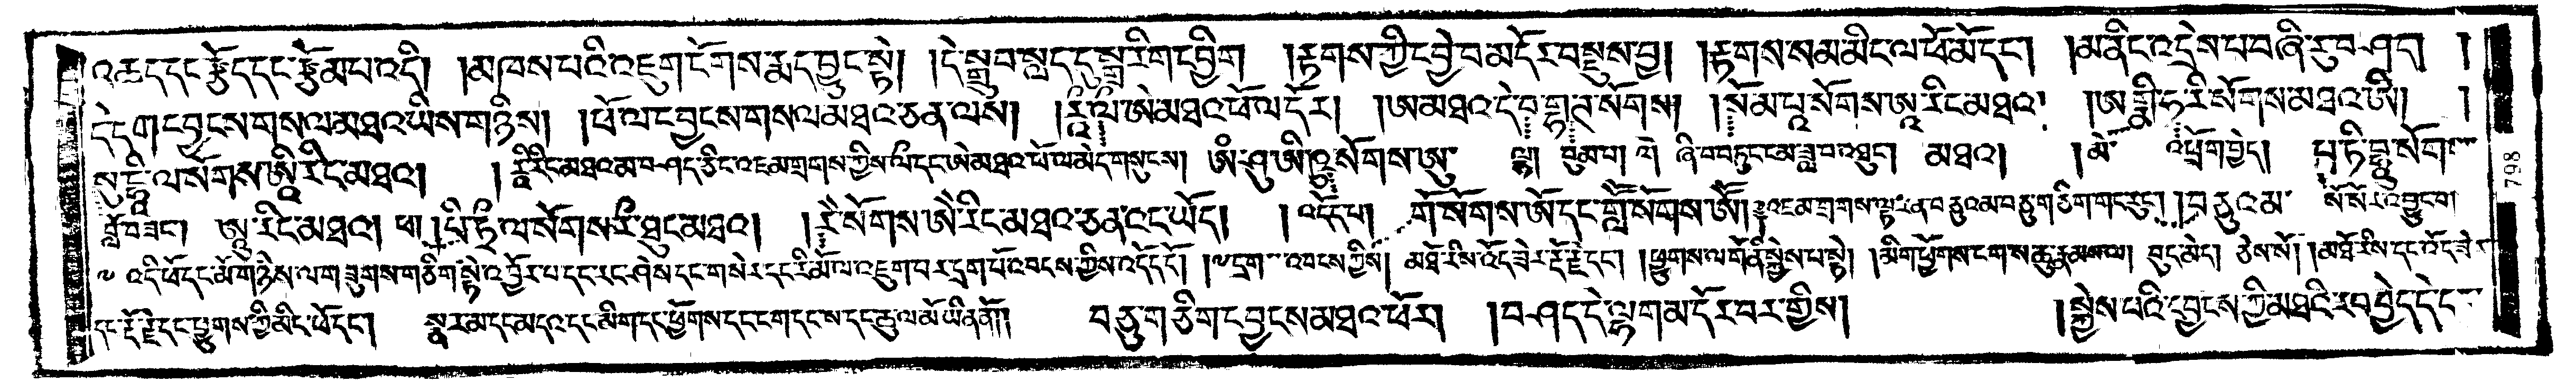འཆད་དང་རྩོད་དང་རྩོམ་པ་འདི། །མཁས་པའི་འཇུག་ངོགས་རྨད་བྱུང་སྟེ། །དེ་སྒྲུབ་སླད་དུ་སྒྲ་རིག་དབྱིག །རྟགས་ཀྱི་དབྱེ་བ་མདོར་བསྡུས་བྱ། །རྟགས་སམ་མིང་ལ་ཕོ་མོ་དང་། །མ་ནིང་འདྲེས་པ་བཞི་རུ་བཤད། །
དེ་དག་དབྱངས་གསལ་མཐའ་ཡིས་གཉིས། །ཕོ་ལ་དབྱངས་གསལ་མཐའ་ཅན་ལས། །རཱི་ལྀ་ཨེ་མཐའ་ཕོ་ལ་དོར། །ཨ་མཐའ་དེ་བ་གྷ་ཊ་སོགས། །སོ་མ་པཱ་སོགས་ཨཱ་རིང་མཐའ། །ཨ་གྨྣི་ཧ་རི་སོགས་མཐའ་ཨི། །
སུ་དྷཱི་ལ་སོགས་ཨཱི་རིང་མཐའ། །རཱི་རིང་མཐའ་མ་བཤད་ཅིང་འཇམ་གྲགས་ཀྱིས་ལྀ་དང་ཨེ་མཐའ་ཕོ་ལ་མེད་གསུངས། ཨཾ་ཤུ་ཨུ་ཥུ?་སོགས་ཨུ་ལྷ། བུམ་པ། གེ་ཞི་བ་བཏུང་ངམ་ཟླ་བ་འཐུང་། །མེ། འཕྲོག་བྱེད། པ་ཏི་བྷཱུ་སོགས་
བློ་བཟང་། ཨཱུ་རིང་མཐའ། ཕ། པི་ཏྲྀ་ལ་སོགས་རི་ཐུང་མཐའ། རཻ་སོགས་ཨཻ་རིང་མཐའ་ཅན་འང་ཡོད། །འདོད་པ། གོ་སོགས་ཨོ་དང་གློ་སོགས་ཨཽ། འཇམ་གྲགས་ལྟ་བཅུ་ལམ་ཅུ་གཅིག་གང་བྱུང་། སོ་སོར་འགྲུབ་པ།
༧་འདི་ཕོ་དང་མོ་གཉིས་ལ་གཟུགས་གཅིག་སྟེ་འབྱོར་བ་དང་རང་ཤེས་དང་གསེར་དང་རི་མོ་ལ་འཇུག་པར་དྲག་པོ་འབངས་ཀྱིས་འདོད་ངོ། །༧་དྲག་འབངས་ཀྱིས། མཐོ་རིས་འོད་ཟེར་རྡོ་རྗེ་དང་། །ཕྱུགས་ལ་གོན་སྐྱེས་པ་སྟེ། །མིག་ཕྱོགས་ངགས་ཆུ་རྣམས་པ། བུད་མེད། ཅེས་སོ། །མཐོ་རིས་དང་འོད་ཟེ་
དང་རྡོ་རྗེ་དང་བྱུགས་ཀྱི་མིང་ཕོ་དང་། སྣར་མ་དང་མདའ་དང་མིག་དང་ཕྱོགས་དང་གདངས་པ་དང་ཆུ་ལ་མོ་ཡིན་ནོ། ། བཅུ་གཅིག་གང་དབྱངས་མཐའ་ཕོར། །བཤད་དེ་ལྷག་མདོར་བར་གྱིས། །སྐྱེས་པའི་དབྱངས་ཀྱི་མཐའི་རབ་བྱེད་དེང་